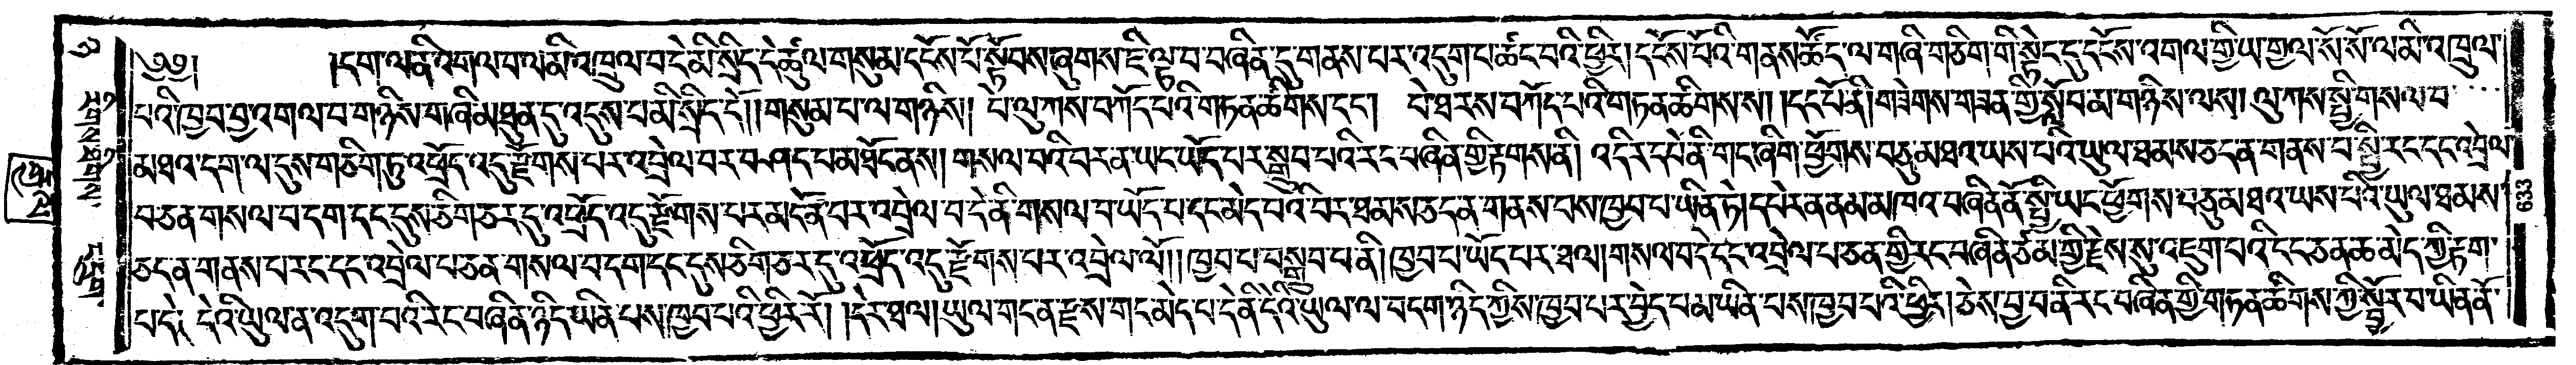༄༅། །དག་ལ་ནི་འགལ་བ་ལ་མི་འཁྲུལ་བ་དེ་མི་སྲིད་དེ་ཚུལ་གསུམ་དངོས་པོ་སྟོབས་ཞུགས་ཇི་ལྟ་བ་བཞིན་དུ་གནས་པར་འདུག་པ་ཚང་བའི་ཕྱིར། དངོས་པོའི་གནས་ཚོད་ལ་གཞི་གཅིག་གི་སྟེང་དུ་དངོས་འགལ་གྱི་ཡ་གྱལ་སོ་སོ་ལ་མི་འཁྲུལ་
པའི་ཁྱབ་བྱ་འགལ་བ་གཉིས་གཞི་མཐུན་དུ་འདུས་པ་མི་སྲིད་དོ། །གསུམ་པ་ལ་གཉིས། པེ་ལུ་ཀས་བཀོད་པའི་གཏན་ཚིགས་དང་། པེ་ཐ་རས་བཀོད་པའི་གཏན་ཚིགས་ས། །དང་པོ་ནི། གཟེགས་གཟན་གྱི་སློབ་མ་གཉིས་ལས། ལུ་ཀས་སྤྱི་གསལ་བ་
མཐའ་དག་ལ་དུས་གཅིག་ཏུ་འཕྲོད་འདུ་རྫོགས་པར་འབྲེལ་བར་བཤད་པ་མཐོང་ནས། གསལ་བའི་བར་ན་ཡང་ཡོད་པར་སྒྲུབ་པའི་རང་བཞིན་གྱི་རྟགས་ནི། འདིར་དཔེ་ནི་གང་ཞིག་ཕྱོགས་བཅུ་མཐའ་ཡས་པའི་ཡུལ་ཐམས་ཅད་ན་གནས་པ་སྤྱི་རང་དང་འབྲེལ་
བ་ཅན་གསལ་བ་དག་དང་དུས་ཅིག་ཅར་དུ་འཕྲོད་འདུ་རྫོགས་པར་མངོན་བར་འབྲེལ་བ་དེ་ནི་གསལ་བ་ཡོད་པ་དང་མེད་པའི་བར་ཐམས་ཅད་ན་གནས་བས་ཁྱབ་པ་ཡིན་ཏེ། དཔེར་ན་ནམ་མཁའ་བཞིན་ནོ་སྤྱི་ཡང་ཕྱོགས་བཅུ་མཐའ་ཡས་པའི་ཡུལ་ཐམས་
ཅད་ན་གནས་པ་རང་དང་འབྲེལ་པ་ཅན་གསལ་བ་དག་དང་དུས་ཅིག་ཅར་དུ་འཕྲོད་འདུ་རྫོགས་པར་འབྲེལ་ལོ། །ཁྱབ་པ་བསྒྲུབ་པ་ནི། ཁྱབ་པ་ཡོད་པར་ཐལ། གསལ་བ་དེ་དང་འབྲེལ་པ་ཅན་གྱི་རང་བཞིན་ཙམ་གྱི་རྗེས་སུ་འཇུག་བའི་དང་ཅན་ཆ་མེད་ཀྱི་རྟག་
པ་དེ༑ དེའི་ཡུལ་ན་འདུག་བའི་རང་བཞིན་ཉིད་ཡིན་པས་ཁྱབ་པའི་ཕྱིར་རོ། །དེར་ཐལ། ཡུལ་གང་ན་རྫས་གང་མེད་པ་དེ་ནི་དེའི་ཡུལ་ལ་བདག་ཉིད་ཀྱིས་ཁྱབ་པར་བྱེད་པ་མ་ཡིན་པས་ཁྱབ་པའི་ཕྱིར། ཅེས་བྱ་བ་ནི་རང་བཞིན་གྱི་གཏན་ཚིགས་ཀྱི་སྦྱོར་བ་ཡིན་ནོ་